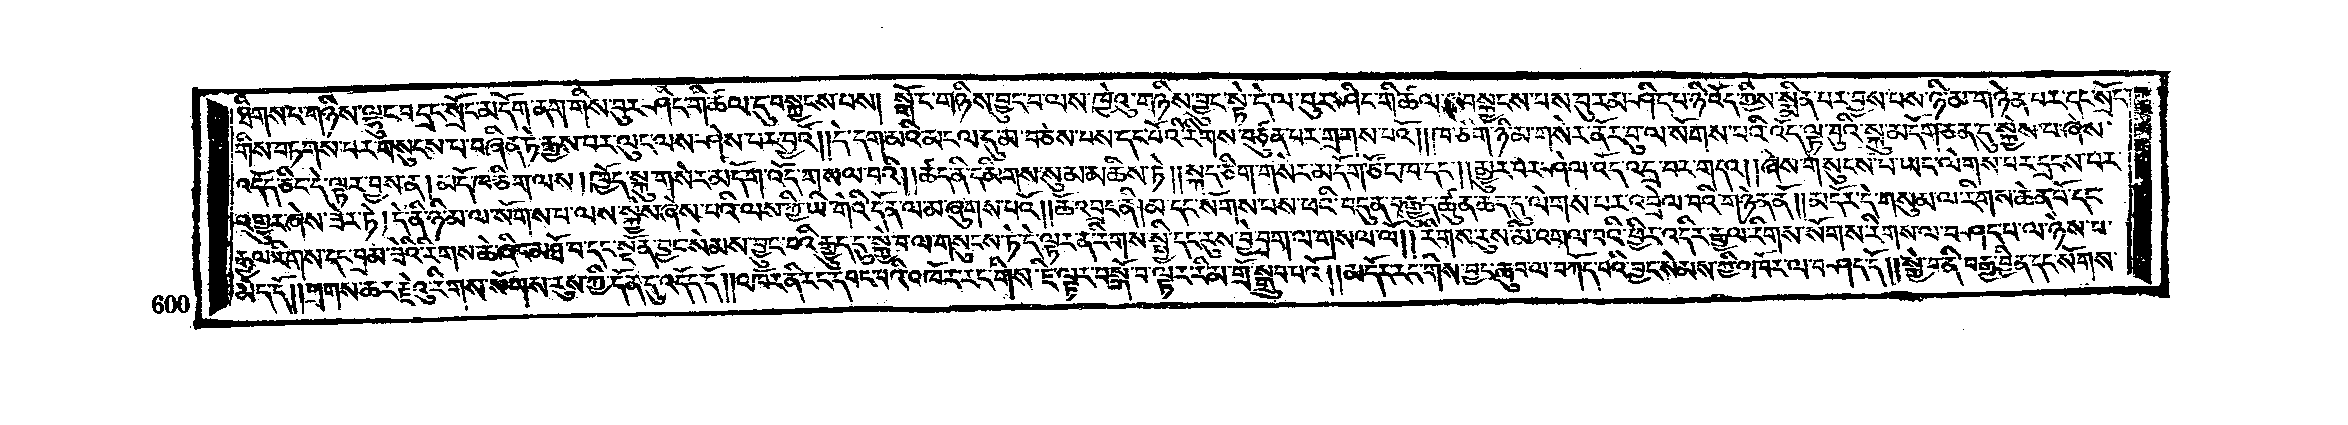ཐིགས་པ་གཉིས་ལྷུང་བ་དྲང་སྲོང་མདོག་ནག་གིས་བུར་ཤིང་གི་ཚལ་དུ་བསྐྱངས་པས། སྒོ་ང་གཉིས་བྱུང་བ་ལས་ཁྱེའུ་གཉིས་བྱུང་སྟེ་དེ་ལ་བུར་ཤིང་གི་ཚལ་དུ་བསྐྱངས་པས་བུ་རམ་ཤིང་པ་ཉི་འོད་ཀྱིས་སྨིན་པར་བྱས་པས་ཉི་མ་གཉེན་པར་དྲང་སྲོང་
གིས་བཏགས་པར་གསུངས་པ་བཞིན་ཏེ་རྒྱས་པར་ལུང་ལས་ཤེས་པར་བྱའོ། །དེ་དག་མའི་མངལ་དུ་མ་བཅོས་པས་དང་པོའི་རིགས་བཙུན་པར་གྲགས་པའོ། །ཁ་ཅིག་ཉི་མ་གསེར་ནོར་བུ་ལ་སོགས་པའི་འོད་ལྟ་བུའི་སྐུ་མདོག་ཅན་དུ་སྐྱེས་པ་ཞེས་
འདོད་ཅིང་དེ་ལྟར་བྱས་ན། མདོ་ཁ་ཅིག་ལས། ཁྱོད་སྐུ་གསེར་མདོག་འོད་གསལ་བའི། །ཚད་ནི་དམིགས་སུ་མ་མཆིས་ཏེ། །སྐད་ཅིག་གསེར་མདོག་ཙོང་ཁ་དང་། །མྱུར་བར་ཤེལ་འོད་འདྲ་བར་གདའ། །ཞེས་གསུངས་པ་ཡང་ལེགས་པར་དྲངས་པར་
འགྱུར་ཞེས་ཟེར་ཏེ། དེ་ནི་ཉི་མ་ལ་སོགས་པ་ལས་སྐྱེས་ཞེས་པའི་ལས་ཀྱི་ཡི་གེའི་དོན་ལ་མ་ཞུགས་པའོ། །ཆོ་འབྲང་ནི། མ་དང་སོགས་པས་ཕའི་བདུན་བརྒྱུད་ཚུན་ཆད་དུ་ལེགས་པར་འབྲེལ་བའི་གཉེན་ནོ། །མདོར་དེ་གསུམ་ལ་རིགས་ཆེན་པོ་དང་
རྒྱལ་རིགས་དང་བྲམ་ཟེའི་རིགས་ཆེ་ཞིང་མཐོ་བ་དང་སྔོན་བྱང་སེམས་བྱུང་བའི་རྒྱུད་དུ་སྐྱེ་བ་ལ་གསུངས་ཏེ་དེ་ལྟར་ན་རིགས་སྤྱི་དང་རུས་བྱེ་བྲག་ལ་གསལ་ལོ། །རིགས་རུས་མི་འགལ་བའི་ཕྱིར་འདིར་རྒྱལ་རིགས་སོགས་རིགས་ལ་བཤད་པ་ལ་ཉེས་པ་
མེད་དོ། །གྲགས་ཆར་རྗེའུ་རིགས་སོགས་རུས་ཀྱི་དོན་དུ་འདོད་དོ། །འཁོར་ན་རང་དབང་བའི་འཁོར་རང་གིས་ཇི་ལྟར་བསྒོ་བ་ལྟར་རིམ་གྲོ་སྒྲུབ་པའོ། །མདོར་རང་གིས་བྱང་ཆུབ་ལ་བཀོད་པའི་བྱང་སེམས་ཀྱི་འཁོར་ལ་བཤད་དོ། །སྐྱེ་བ་ནི་བརྒྱ་བྱིན་དང་སོགས་